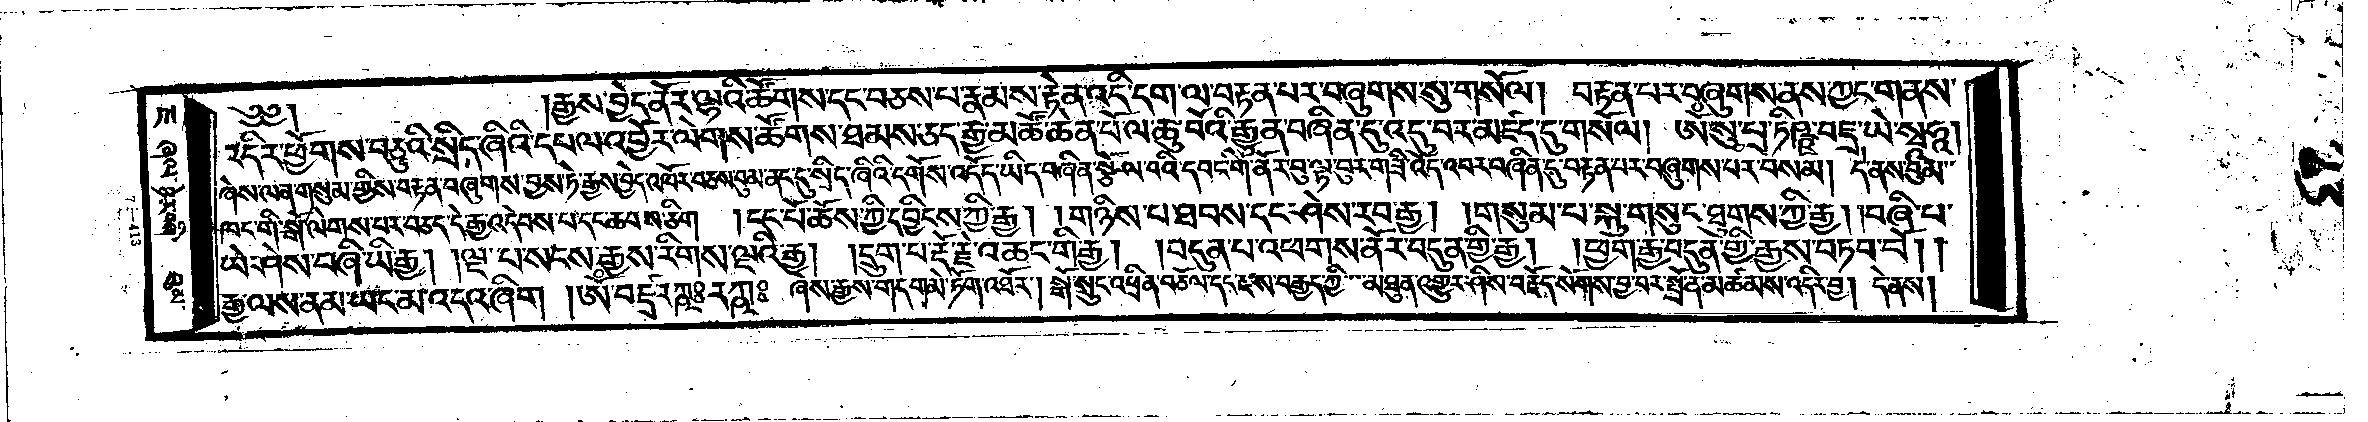༄༅། །རྒྱས་བྱེད་ནོར་ལྷའི་ཚོགས་དང་བཅས་པ་རྣམས་རྟེན་འདི་དག་ལ་བརྟན་པར་བཞུགས་སུ་གསོལ། བརྟན་པར་བཞུགས་ནས་ཀྱང་གནས་
འདིར་ཕྱོགས་བཅུའི་སྲིད་ཞིའི་དཔལ་འབྱོར་ལེགས་ཚོགས་ཐམས་ཅད་རྒྱ་མཚོ་ཆེན་པོ་ལ་ཆུ་བོའི་རྒྱུན་བཞིན་དུ་འདུ་བར་མཛད་དུ་གསོལ། ཨོཾ་སུ་པྲ་ཏིཥཊཿཨ་བཛྲ་ཡེ་སྭཱཧཱ།
ཞེས་ལན་གསུམ་གྱིས་བརྟན་བཞུགས་བྱས་ཏེ་རྒྱས་བྱེད་འཁོར་བཅས་བུམ་ནང་དུ་སྲིད་ཞིའི་དགོས་འདོད་ཡིད་བཞིན་སྩོལ་བའི་དབང་གི་ནོར་བུ་ལྟ་བུར་གཟི་འོད་འབར་བཞིན་དུ་བརྟན་པར་བཞུགས་པར་བསམ། དེ་ནས་བུམ་
ཁང་གི་སྒོ་ལེགས་པར་བཅད་དེ་རྒྱ་འདེབས་པ་དང་ཆབས་ཅིག །དང་པོ་ཆོས་ཀྱི་དབྱིངས་ཀྱི་རྒྱ། །གཉིས་པ་ཐབས་དང་ཤེས་རབ་རྒྱ། །གསུམ་པ་སྐུ་གསུང་ཐུགས་ཀྱི་རྒྱ། །བཞི་པ་
ཡེ་ཤེས་བཞི་ཡི་རྒྱ། །ལྔ་པ་སངས་རྒྱས་རིགས་ལྔའི་རྒྱ། །དྲུག་པ་རྡོ་རྗེ་འཆང་གི་རྒྱ། །བདུན་པ་འཕགས་ནོར་བདུན་གྱི་རྒྱ། །ཕྱག་རྒྱ་བདུན་གྱི་རྒྱས་བཏབ་བོ། །
རྒྱ་ལས་ནམ་ཡང་མ་འདའ་ཞིག །ཨོཾ་བཛྲ་རཀྵཿརཀྵཿ ཞེས་རྒྱས་གདག་མེ་ཏོག་འཐོར། སྒོ་སྲུང་འཕྲིན་བཅོལ་དང་རྫས་བརྒྱད་ཀྱི་མཐུན་འགྱུར་ཤིས་བརྗོད་སོགས་བྱ་བར་སྤྲོ་ན་མཚམས་འདིར་བྱ། དེ་ནས།